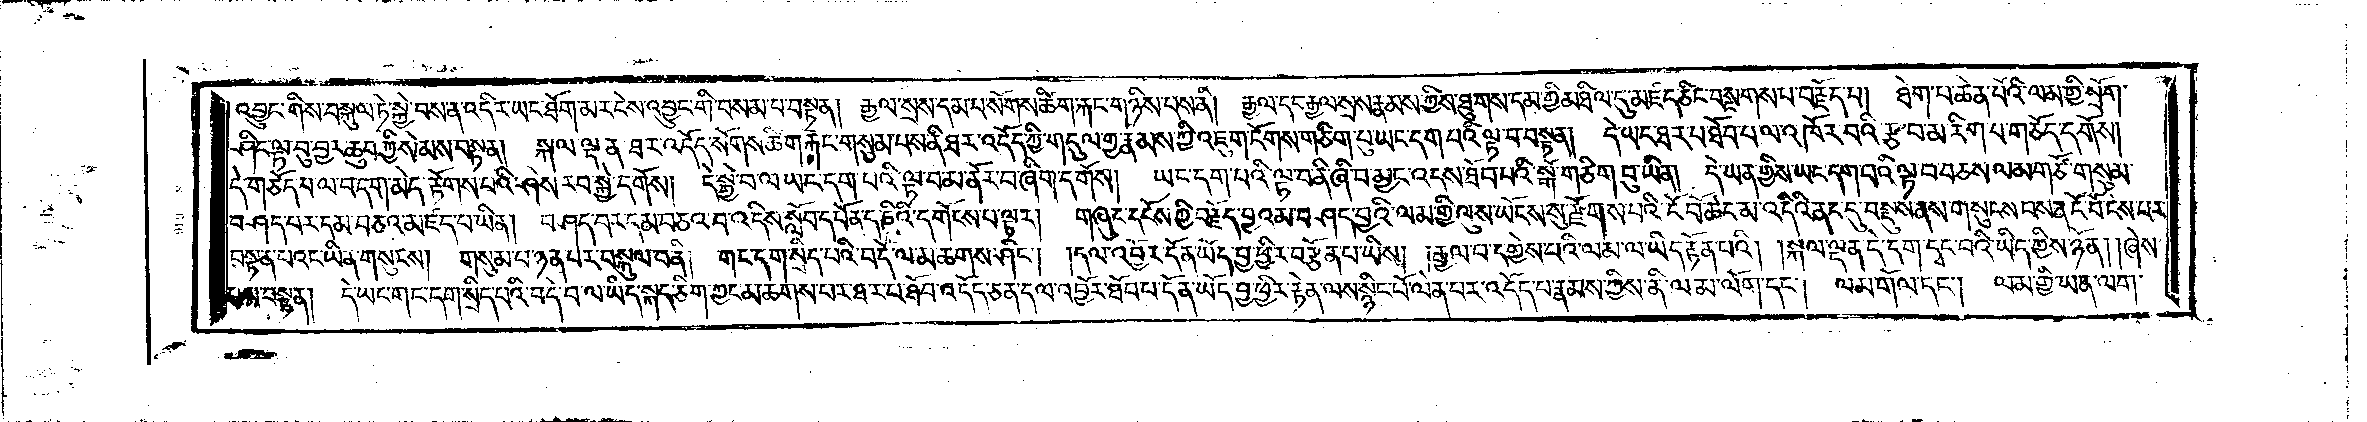འབྱུང་གིས་བསྐུལ་ཏེ་སྐྱེ་བས་ན་འདིར་ཡང་ཐོག་མར་ངེས་འབྱུང་གི་བསམ་པ་བསྟན། རྒྱལ་སྲས་དམ་པ་སོགས་ཚིག་རྐང་གཉིས་པས་ནི། རྒྱལ་དང་རྒྱལ་སྲས་རྣམས་ཀྱིས་ཐུགས་དམ་གྱི་མཐིལ་དུ་མཛད་ཅིང་བསྔགས་པ་བརྗོད་པ། ཐེག་པ་ཆེན་པོའི་ལམ་གྱི་སྲོག་
ཤིང་ལྟ་བུ་བྱང་ཆུབ་ཀྱི་སེམས་བསྟན། སྐལ་ལྡན་ཐར་འདོད་སོགས་ཚིག་རྐང་གསུམ་པས་ནི་ཐར་འདོད་ཀྱི་གདུལ་བྱ་རྣམས་ཀྱི་འཇུག་ངོགས་གཅིག་པུ་ཡང་དག་པའི་ལྟ་བ་བསྟན། དེ་ཡང་ཐར་པ་ཐོབ་པ་ལ་འཁོར་བའི་རྩ་བ་མ་རིག་པ་གཅོད་དགོས།
དེ་གཅོད་པ་ལ་བདག་མེད་རྟོགས་པའི་ཤེས་རབ་སྐྱེ་དགོས། དེ་སྐྱེ་བ་ལ་ཡང་དག་པའི་ལྟ་བ་མ་ནོར་བ་ཞིག་དགོས། ཡང་དག་པའི་ལྟ་བ་ནི་ཞི་བ་མྱང་འདས་ཐོབ་པའི་སྒོ་གཅིག་པུ་ཡིན། དེ་ཡན་གྱིས་ཡང་དག་པའི་ལྟ་བ་བཅས་ལམ་གཙོ་གསུམ་
བཤད་པར་དམ་བཅའ་མཛད་པ་ཡིན། བཤད་པར་དམ་བཅའ་བ་འདིས་སློབ་དཔོན་དཎྜཱིའི་དགོངས་པ་ལྟར། གཞུང་དངོས་ཀྱི་བརྗོད་བྱའམ་བཤད་བྱའི་ལམ་གྱི་ལུས་ཡོངས་སུ་རྫོགས་པའི་ངོ་བོ་ཚང་མ་འདིའི་ནང་དུ་བསྡུས་ནས་གསུངས་པས་ན་ངོ་བོ་ངེས་པར་
བསྟན་པའང་ཡིན་གསུངས། གསུམ་པ་ཉན་པར་བསྐུལ་བ་ནི། གང་དག་སྲིད་པའི་བདེ་ལ་མ་ཆགས་ཤིང་། །དལ་འབྱོར་དོན་ཡོད་བྱ་ཕྱིར་བརྩོན་པ་ཡིས། །རྒྱལ་བ་དགྱེས་པའི་ལམ་ལ་ཡིད་རྟོན་པའི། །སྐལ་ལྡན་དེ་དག་དྭང་བའི་ཡིད་ཀྱིས་ཉོན། །ཞེས་
པས་བསྟན། དེ་ཡང་གང་དག་སྲིད་པའི་བདེ་བ་ལ་ཡིད་སྐད་ཅིག་ཀྱང་མ་ཆགས་པར་ཐར་པ་ཐོབ་འདོད་ཅན་དལ་འབྱོར་ཐོབ་པ་དོན་ཡོད་བྱ་ཕྱིར་རྟེན་ལས་སྙིང་པོ་ལེན་པར་འདོད་པ་རྣམས་ཀྱིས་ནི་ལམ་ལོག་དང་། ལམ་གོལ་དང་། ལམ་གྱི་ཡན་ལག་